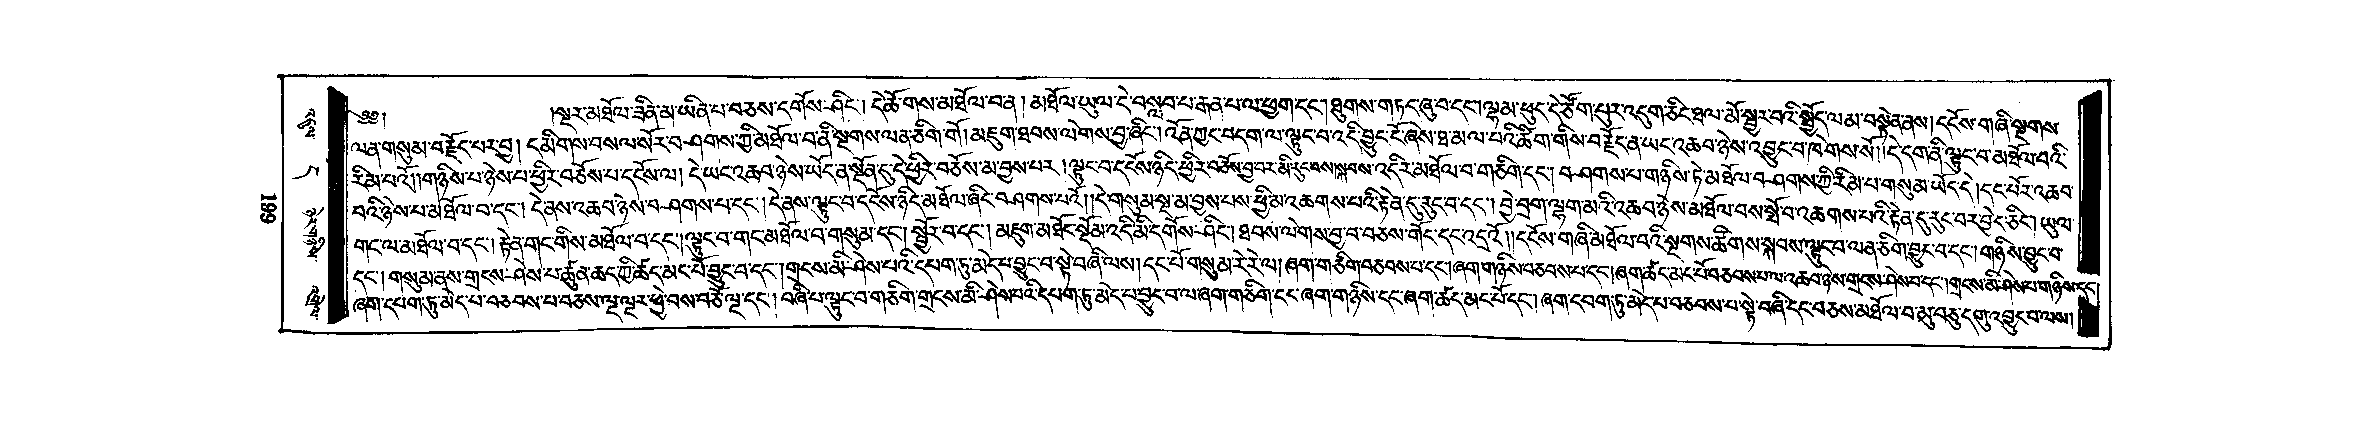༄༅། །སྔར་མཐོལ་ཟིན་མ་ཡིན་པ་བཅས་དགོས་ཤིང་། དེ་ཆོ་གས་མཐོལ་བ་ན། མཐོལ་ཡུལ་དེ་བསླབ་པ་རྒན་པ་ལ་ཕྱག་དང་། ཐུགས་གཏད་ཞུ་བ་དང་། ལྷམ་ཕུད་དེ་ཙོག་པུར་འདུག་ཅིང་ཐལ་མོ་སྦྱར་བའི་སྤྱོད་ལམ་བསྟེན་ནས། དངོས་གཞི་སྔགས་
ལན་གསུམ་བརྗོད་པར་བྱ། དམིགས་བསལ་སོར་བཤགས་ཀྱི་མཐོལ་བ་ནི་སྔགས་ལན་ཅིག་གོ །མཇུག་ཐབས་ལེགས་བྱ་ཞིང་། འོན་ཀྱང་བདག་ལ་ལྟུང་བ་འདི་བྱུང་ངོ་ཞེས་ཐ་མལ་པའི་ཚིག་གིས་བརྗོད་ན་ཡང་འཆབ་ཉེས་འབྱུང་བ་ཁེགས་སོ། །དེ་དག་ནི་ལྟུང་བ་མཐོལ་བའི་
རིམ་པའོ། །གཉིས་པ་ཉེས་པ་ཕྱིར་བཅོས་པ་དངོས་ལ། དེ་ཡང་འཆབ་ཉེས་ཡོད་ན་སྔོན་དུ་དེ་ཕྱིར་བཅོས་མ་བྱས་པར། ལྟུང་བ་དངོས་ཉིད་ཕྱིར་བཅོས་བྱ་བར་མི་རུང་བས། སྐབས་འདིར་མཐོལ་བ་གཅིག་དང་། བཤགས་པ་གཉིས་ཏེ་མཐོལ་བཤགས་ཀྱི་རིམ་པ་གསུམ་ཡོད་དེ། དང་པོར་འཆབ་
བའི་ཉེས་པ་མཐོལ་བ་དང་། དེ་ནས་འཆབ་ཉེས་བཤགས་པ་དང་། དེ་ནས་ལྟུང་བ་དངོས་ཉིད་མཐོལ་ཞིང་བཤགས་པའོ། །དེ་གསུམ་སྔ་མ་བྱས་པས་ཕྱི་མ་འཆགས་པའི་རྟེན་དུ་རུང་བ་དང་། བྱེ་བྲག་ལྷག་མའི་འཆབ་ཉེས་མཐོལ་བས་སྤོ་བ་འཆགས་པའི་རྟེན་དུ་རུང་བར་བྱེད་ཅིང་། ཡུལ་
གང་ལ་མཐོལ་བ་དང་། རྟེན་གང་གིས་མཐོལ་བ་དང་། ལྟུང་བ་གང་མཐོལ་བ་གསུམ་དང་། སྦྱོར་བ་དང་། མཇུག་མཐོང་སྡོམ་འདི་མི་དགོས་ཤིང་། ཐབས་ལེགས་བྱ་བ་བཅས་གོང་དང་འདྲའོ། །དངོས་གཞི་མཐོལ་བའི་སྔགས་ཚིགས་སྐབས་ལྟུང་བ་ལན་ཅིག་བྱུང་བ་དང་། གཉིས་བྱུང་བ་
དང་། གསུམ་ནས་གྲངས་ཤེས་པ་ཚུན་ཆད་ཀྱི་ཚད་མང་པོ་བྱུང་བ་དང་། གྲངས་མི་ཤེས་པའི་དཔག་ཏུ་མེད་པ་བྱུང་བ་སྟེ་བཞི་ལས། དང་པོ་གསུམ་རེ་རེ་ལ། ཞག་གཅིག་བཅབས་པ་དང་། ཞག་གཉིས་བཅབས་པ་དང་། ཞག་ཚད་མང་པོ་བཅབས་པ་ལ་འཆབ་ཉེས་གྲངས་ཤེས་པ་དང་། གྲངས་མི་ཤེས་པ་གཉིས་དང་
ཞག་དཔག་ཏུ་མེད་པ་བཅབས་པ་བཅས་ལྡ་ལྔར་ཕྱེ་བས་བཅོ་ལྔ་དང་། བཞི་པ་ལྟུང་བ་གཅིག་གྲངས་མི་ཤེས་པའི་དཔག་ཏུ་མེད་པ་བྱུང་བ་ལ་ཞག་གཅིག་དང་ཞག་གཉིས་དང་ཚད་མང་པོ་དང་། ཞག་དཔག་ཏུ་མེད་པ་བཅབས་པ་སྟེ་བཞི་དང་བཅས་མཐོལ་བ་མུ་བཅུ་དགུ་འབྱུང་བ་ལས།